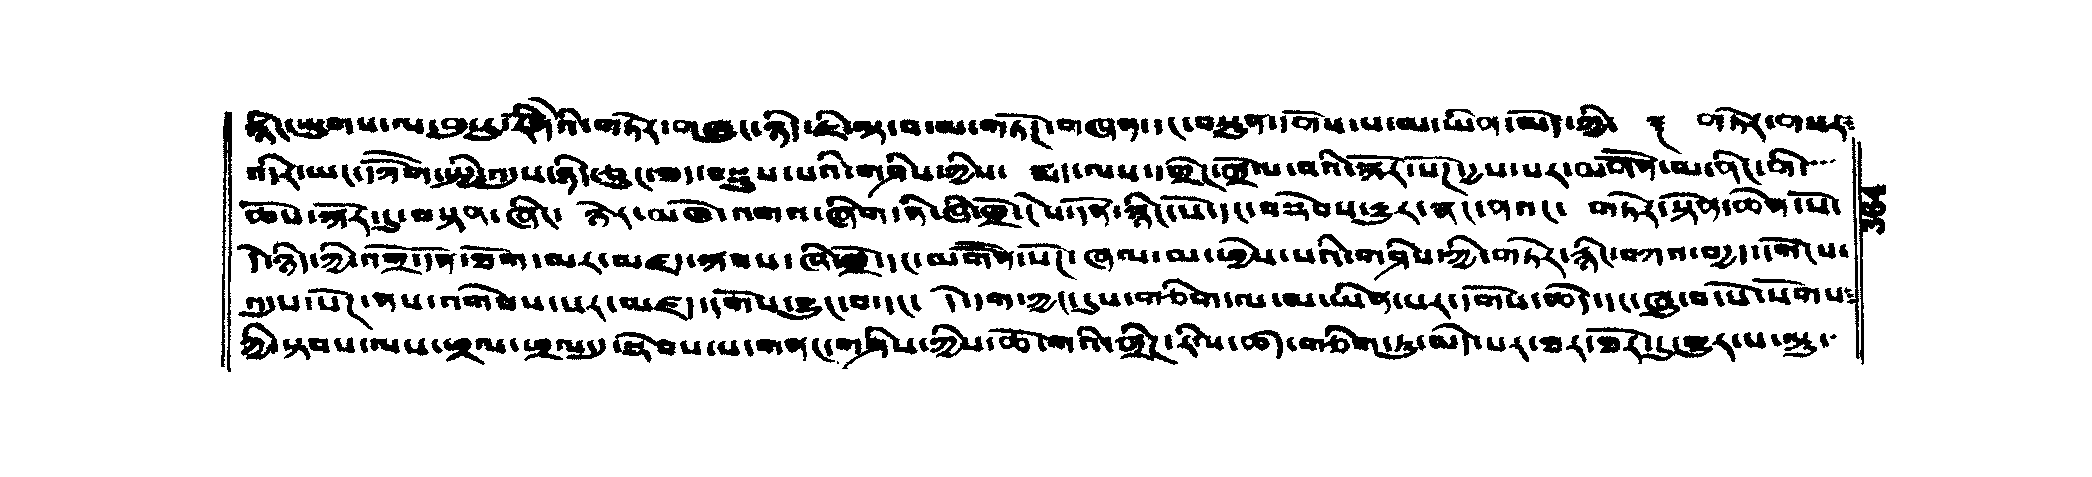རྙིང་ལུགས་ལ་གུ་རུ་རིན་པོ་ཆེའི་གཏེར་གཞུང་ཉིད་ཇི་ལྟ་བ་མ་གཏོགས་གཞན་དང་བསྟུན་དགོས་པ་མ་ཡིན་མོད་ཀྱི། ༈ གཏེར་གསར་
འདིར་ཡང་དཀོན་མཆོག་སྤྱི་འདུས་ཉིད་ཅུང་ཟད་བསྡུས་པའི་གཤིས་ཀྱིས། རྨད་ལས་དགྲ་གེགས་སྒྲོལ་ཕྱིར་སྐོར་སོགས་རྒྱས་པར་མགོན་པོ་མ་ནིང་གི་
ཆོས་སྐོར་དུ་བསྟན་ཞིང་། ཉེར་མཁོ་འགའ་ཞིག་ནི་ཞི་ཁྲོ་ངེས་དོན་སྙིང་པོ་དང་བསྡེབས་རྒྱུར་སྣང་ནའང་། གཏེར་སྟོན་ཆེན་པོ་
དེ་ཉིད་ཀྱི་འགྲོ་དོན་ཐོག་མར་མཛད་སྐབས་ཞི་ཁྲོ་དང་མགོན་པོ་སོགས་ཞལ་མ་ཕྱེས་པའི་གཤིས་ཀྱི་གཏེར་རྙིང་བཀའ་བརྒྱད་སོགས་དགོངས་
འདུས་སོགས་ནས་འགེབས་པར་མཛད་དགོས་བྱུང་བ་དང་། དེ་དག་ཀྱང་དུས་གཅིག་ལ་མ་ཡིན་པར་དགོས་ཆེད་དང་ཞུ་བ་པོ་སོགས་
ཀྱི་སྟབས་ལས་ཕྲལ་ཕྲལ་དུ་སྡེབས་པ་གནང་གཤིས་ཀྱིས་ཆོ་གའི་སྒྲིགས་རིམ་ཚད་གཅིག་ཏུ་མེད་པར་ཐར་ཐོར་དུ་གྱུར་པ་ལྟ་བུ་